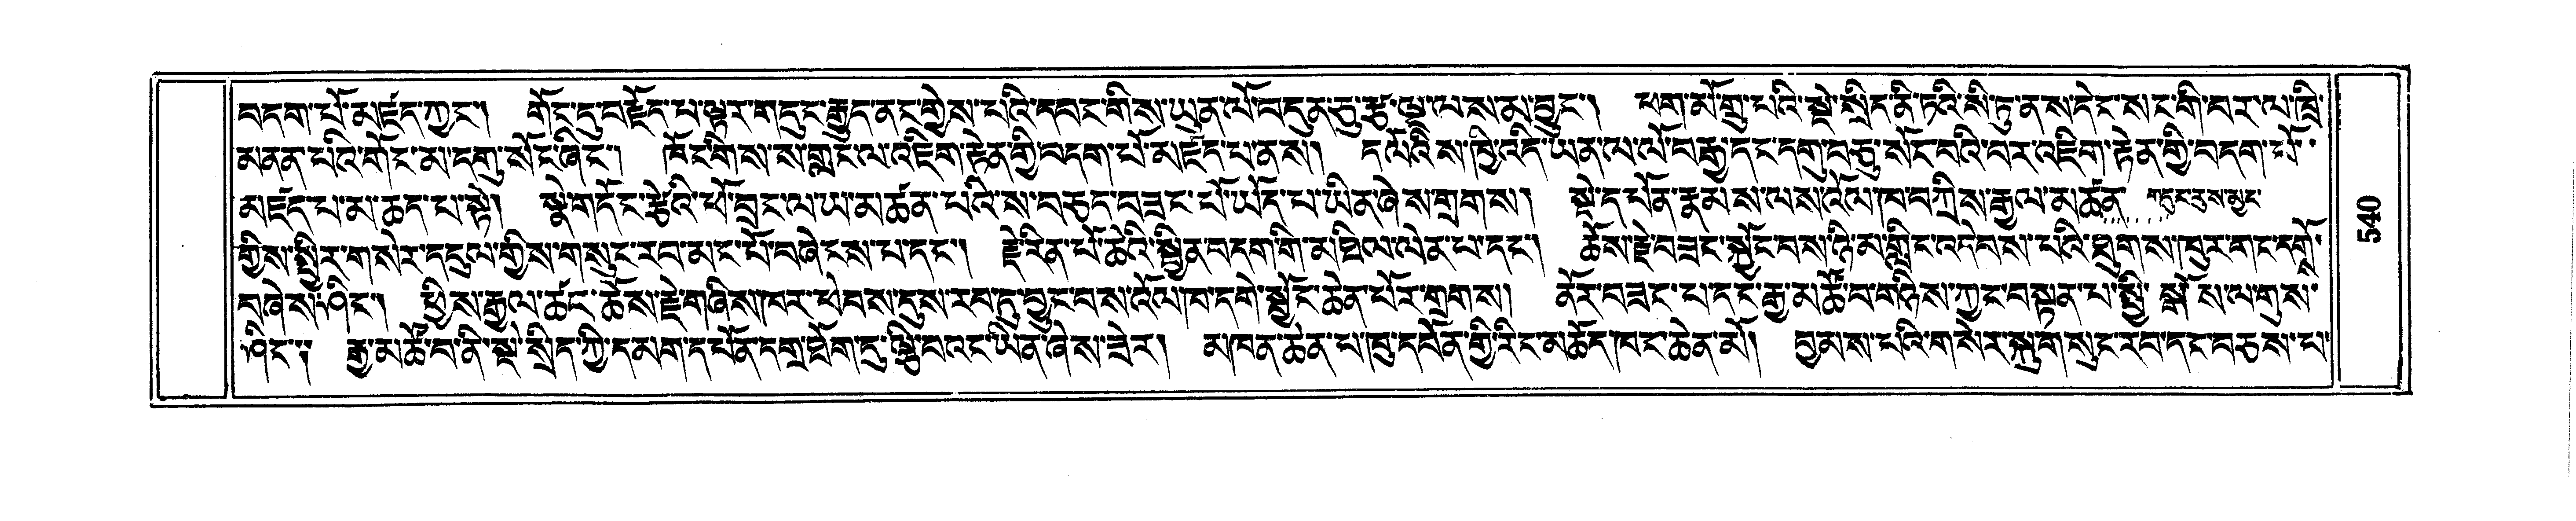བདག་པོ་མཛད་ཀྱང་། གོང་དུ་བརྗོད་པ་ལྟར་གདུང་རྒྱུད་ནང་གྱེས་པའི་དབང་གིས་ཡུན་ལོ་བདུན་ཅུ་རྩ་ལྔ་ལས་མ་བྱུང་། ཕག་མོ་གྲུ་པའི་སྡེ་སྲིད་ནི་ཏའི་སི་ཏུ་ནས་དེང་སང་གི་བར་ལ་ཁྲི་
མནན་པའི་གོང་མ་དགུ་སོང་ཞིང་། ཁོང་གིས་ས་གླང་ལ་འཇིག་རྟེན་གྱི་བདག་པོ་མཛད་པ་ནས། ད་ལོའི་ས་ཁྱི་འདི་ཡན་ལ་ལོ་བརྒྱ་དང་དགུ་བཅུ་སོང་བའི་བར་འཇིག་རྟེན་གྱི་བདག་པོ་
མཛད་པ་མ་ཆད་པ་སྟེ། སྣེ་གདོང་རྩེའི་ཕོ་བྲང་ལ་ཡ་མཚན་པའི་ས་བཅད་བཟང་པོ་ཡོད་པ་ཡིན་ཞེས་གྲགས། སྡེ་དཔོན་རྣམས་ལས་འོལ་ཁ་བཀྲིས་རྒྱལ་མཚན་གདུང་རུས་མྱང
གྱིས་སྤྱིར་གསེར་དངུལ་གྱིས་གསུང་རབ་མང་པོ་བཞེངས་པ་དང་། རྗེ་རིན་པོ་ཆེའི་སྦྱིན་བདག་གི་མཐིལ་ལེན་པ་དང་། ཆོས་རྗེ་བཟང་སྐྱོང་བས་ཉི་མ་གླིང་འདེབས་པའི་ཐུགས་ཁུར་གང་དགོས་
བཞེས་ཤིང་། ཕྱིས་རྒྱལ་ཚང་ཆོས་རྗེ་གཞིས་ཁར་ཕེབས་དུས་རབ་དུ་བྱུང་བས་འོལ་ཁ་དགེ་སྦྱོང་ཆེན་པོར་གྲགས། ནོར་བཟང་པ་དང་རྒྱ་མཚོ་བ་གཉིས་ཀྱང་བསྟན་པ་སྤྱི་སྒོ་ས་ལ་གུས་
ཤིང༑ རྒྱ་མཚོ་བ་ནི་སྡེ་སྲིད་ཀྱི་དམག་དཔོན་དགྲ་ཐོག་དུ་ལྕི་བའང་ཡིན་ཞེས་ཟེར། མཁན་ཆེན་པ་ཁུ་དབོན་གྱི་རིང་མཆོད་ཁང་ཆེན་མོ། བྱམས་པའི་གསེར་སྐུ་གསུང་རབ་དང་བཅས་པ་